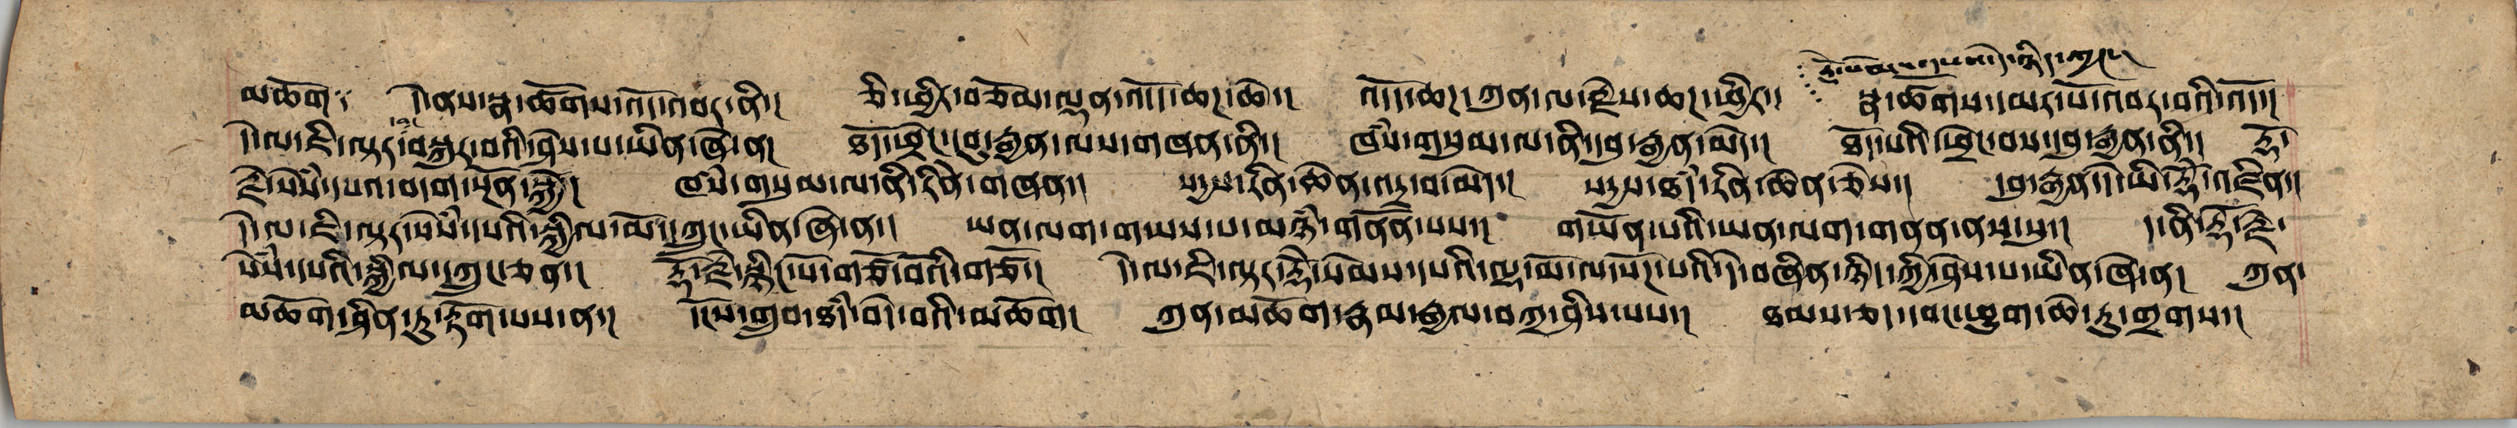མཆོག༑ དེ་ནས་སྣ་ཚོགས་འོད་འབར་ནི་། ཅི་ཕྱིར་བཅོམ་ལྡན་འདོད་ཆཌ་ཆེ་། འདོད་ཆཌ་ཀུན་ལ་རྗེས་ཆཌ་ཕྱིར་། སྣ་ཚོགས་དམར་པོ་འབར་བའི་འོད་།
དེ་ལ་ཇི་ལྟར་བསྐུར་བའི་ཤེས་པ་ཡིན་ཞེ་ན་། ཐོད་ཕྲེང་དབུ་རྒྱན་ལས་གཞན་ནི་། ཁཾས་གསུམ་ལ་ནི་དབུ་རྒྱན་མེད་། ཐོད་པའི་ཕྲེང་བས་དབུ་རྒྱན་ནི་། རྡོ་
རྗེ་སེཾས་དཔའ་བདག་སྔོན་སྐྱེ་། ཁཾས་གསུམ་ལ་ནི་རིེན་གཞན་། སདྱས་རིན་ཆེན་འདྲ་བ་མེད་། སདྱས་ཐདཾ་རིན་ཆེན་ཅེས་། དབུ་རྒྱན་དེ་ཡི་རྡོེ་འཛིན་།
དེ་ལ་ཇི་ལྟར་སེཾས་དཔའི་སྐྱིལ་མོ་ཀྲུང་ཡིན་ཞེ་ན་། ཡན་ལག་གཡས་པ་མཉཾ་གནོན་པས་། གཡོན་པའི་ཡན་ལག་གནན་ནས་སུ་། ད་ནི་རྡོ་རྗེ་
སེཾས་དཔའི་སྐྱིལ་དཀྲུང་ཅན་། རྡོ་རྗེ་སྙིང་པོ་གཙོ་བོའི་གཙ་། དེ་ལ་ཇི་ལྟར་རྡོེ་སེམས་དཔའི་ལྷ་མོ་ལ་སོཌ་པའི་དེ་བཞིན་ཉིད་ཀྱི་ཤེས་པ་ཡིན་ཞེ་ན་། ཀུན་
མཆོག་ཤིན་ཏུ་རྟོག་པས་ན་། དངོས་གྲུབ་ཐདཾ་བདེ་བའི་མཆོག། ཀུན་མཆོག་རྣམ་རྒྱལ་བཀྲ་ཤིས་པས་། ཐམས་ཅད་དབང་ཕྱུག་ཆེ་རུ་གྲགས་།